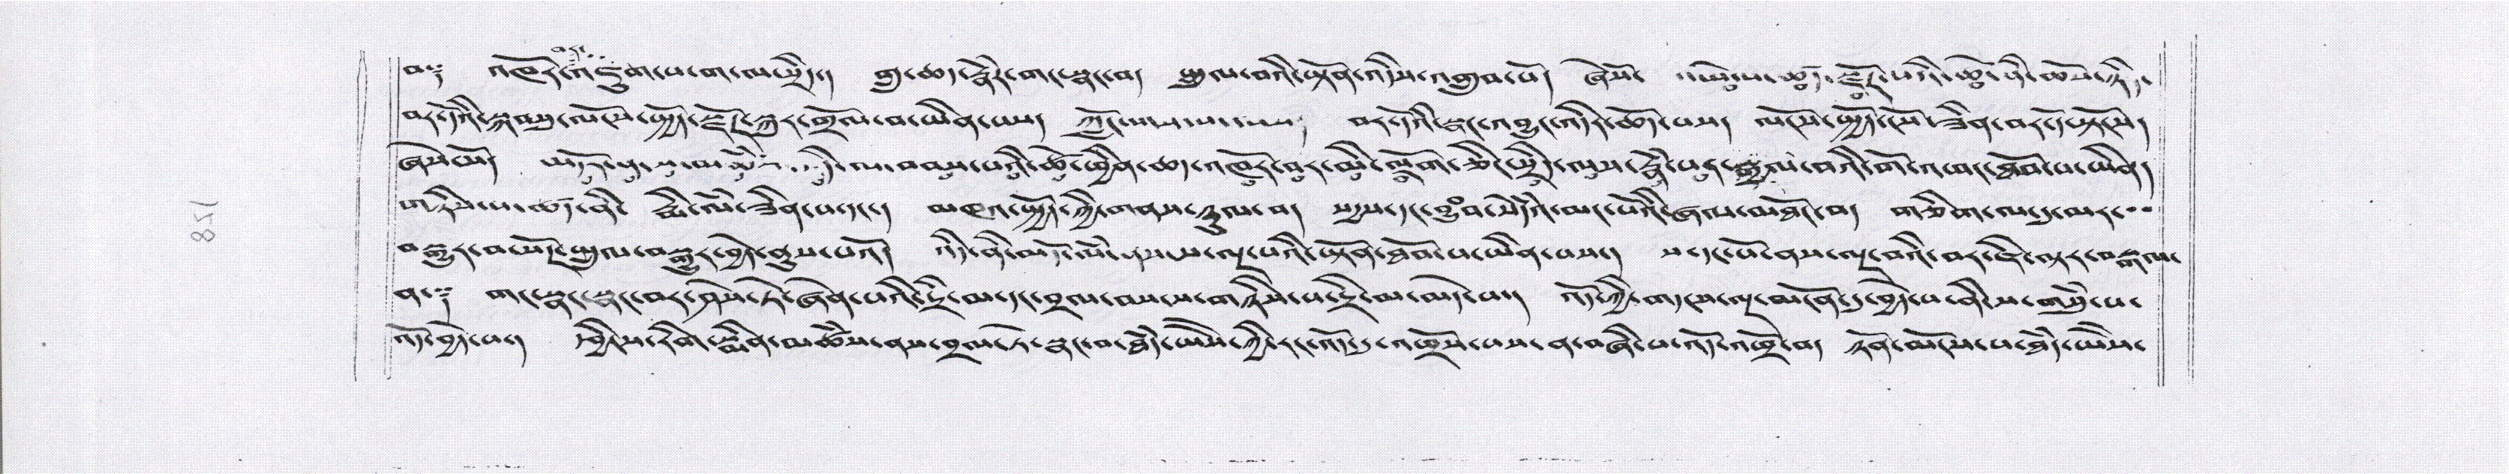བ། འཁོར་བར་འཇུག་པ་ག་ལ་སྲིད། གྲུ་ཆད་རྣམ་པར་གང་སྣང་བ། སྤྲུལ་པའི་ཡོན་ཏན་འདིས་འགྲུབ་བོ། ཞེས་སོ། འཕེལ་ཚད་རྫོགས་པའི་ཚེ་ན་ཆོས་ཉིད་
བར་དོའི་སྐབས་སུ་ལོངས་སྤྱོད་རྫོགས་སྐུར་གྲོལ་བ་ཡིན་པས། ཀློང་གསལ་ལས། བར་དོའི་སྣང་འབྱུང་འདིར་ཆོད་པས། ལོངས་སྤྱོད་ངོས་ཟིན་བར་དོ་སྟོངས། 
ཞེས་སོ། མདོར་ན་ས་མཚམས་འདི་ལ་བབས་པའི་ཚེ་ཕྱིན་ཆད་འཁོར་བར་མི་ལྡོག་ཅིང་སྲིད་ལས་རྣམ་པར་རྒྱལ་བའི་གོ་འཕང་ཐོབ་པ་ཡིན། 
གཉིས་པ་ཚད་ནི། རྨི་ལམ་ཟིན་པ་དང་། མཁའ་སྤྱོད་ཀྱི་གནས་ཉུལ་བ། སངས་རྒྱས་དང་བྱང་ཆུབ་སེམས་དཔའ་མང་པོའི་ཞལ་མཐོང་བ། གཅིག་ལ་དུ་མར་
བསྒྱུར་བ་སོགས་སྤྲུལ་བསྒྱུར་བྱེད་ནུས་པའོ། འདི་ནི་མདོ་ལམ་ནས་ས་ལྔ་པའི་ཡོན་ཏན་ཐོབ་པ་ཡིན་པས། ས་དང་པོ་ནས་ལྔ་པའི་བར་ཇི་ལྟར་བརྒལ་
ན་གང་སྣང་སྣང་བར་ཤེས་ཏེ་ཞེན་པའི་དྲི་མ་དང་བྲལ་བས་ས་གཉིས་པ་དྲི་མ་མེད་པ། འོད་ཀྱི་གདངས་ལྔ་མངོན་དུ་བྱེད་པ་ནི་ས་གསུམ་པ་
འོིད་བྱེད་པ། དབྱིངས་རིག་སྨིན་མཚམས་ནས་བྲལ་ཏེ་སྣང་བ་ཐམས་ཅད་ཡེ་ཤེས་ཀྱི་རང་འོད་དུ་འཕྲོས་པས་ན་བཞི་པ་འོད་འཕྲོ་བ། ཉོན་མོངས་པ་ཐམས་ཅད་ཡེ་ཤེས་